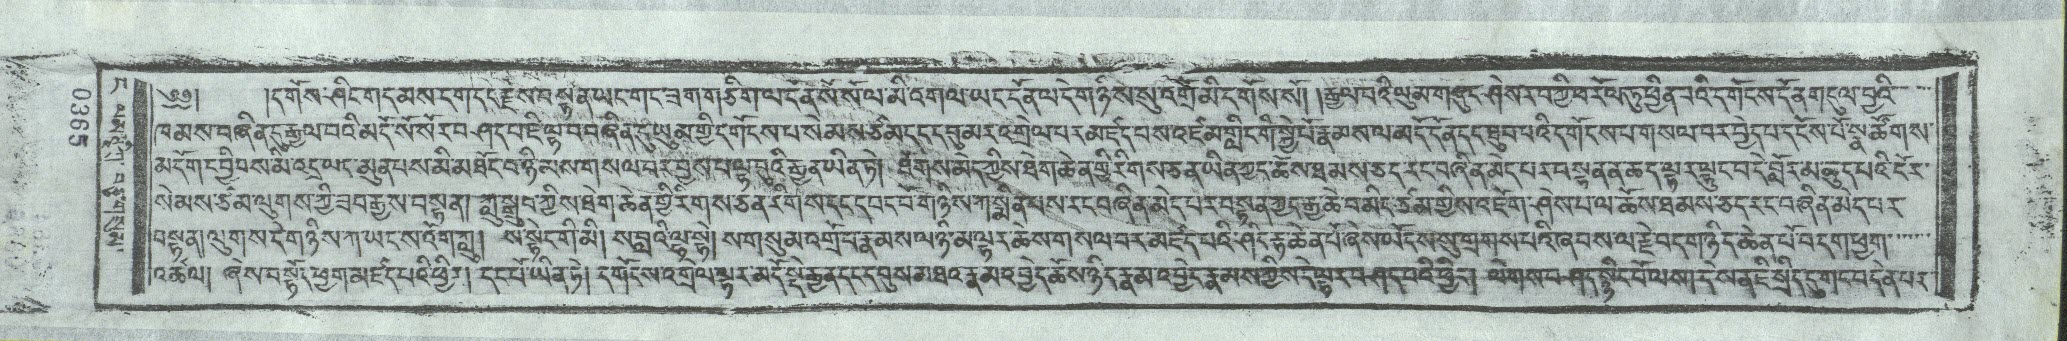༄༅། །དགོངས་?གདམས་ངག་དང་རྗེས་བསྟན་ཡང་གང་ཟག་གཅིག་ལ་དོན་སོ་སོ་ལ་མི་འགལ་ཡང་དོན་ལ་དེ་གཉིས་སུ་འགྲོ་མི་དགོས་སོ། །རྒྱལ་པའི་ཡུམ་གཞུང་ཤེས་རབ་ཀྱི་ཕ་རོལ་ཏུ་ཕྱིན་པའི་དགོངས་དོན་གདུལ་བྱའི་
ཁམས་བཞིན་?་བའི་མདོ་སོ་སོར་བཤད་པ་ཇི་ལྟ་བ་བཞིན་དུ་ཡུམ་གྱི་དགོངས་པ་སེམས་ཙམ་དང་དབུ་མར་འགྲེལ་པར་མཛད་པས་འཛམ་གླིང་གི་སྐྱེ་པོ་རྣམས་ལ་མདོ་དོན་དང་ཐུབ་པའི་དགོངས་པ་གསལ་བར་བྱེད་པ་དངོས་པོ་སྣ་ཚོགས་
མདོག་དབྱིས་?་འདྲ་ཡང་མུན་པས་མི་མཐོང་བ་ཉི་མས་གསལ་བར་བྱས་པ་ལྟ་བུའི་རྒྱན་ཡིན་ཏེ། ཐོགས་མེད་ཀྱིས་ཐེག་ཆེན་གྱི་རིགས་ཅན་ཡིན་ཀྱང་ཆོས་ཐམས་ཅད་རང་བཞིན་མེད་པར་བསྟན་ན་ཆད་ལྟར་ལྟུང་བ་དེ་བློར་མཆུད་པའི་ངོར་
སེམས་ཅན་བཞུགས་ཀྱི་ཟབ་རྒྱས་བསྟན། ཀླུ་སྒྲུབ་ཀྱིས་ཐེག་ཆེན་གྱི་རིགས་ཅན་རིགས་དང་དབང་པོ་གཉིས་ཀ་སྨིན་པས་རང་བཞིན་མེད་པར་བསྟན་ཀྱང་རྒྱ་ཆེ་བ་མིང་ཙམ་གྱིས་འཇོག་ཤེས་པ་ལ་ཆོས་ཐམས་ཅད་རང་བཞིན་མེད་པར་
བསྟན། ལུགས་དེ་གཉིས་ཀ་ཡང་ས་འོག་ཀླུ། ས་སྟེང་གི་མི། ས་བླའི་ལྷ་སྟེ། ས་གསུམ་འགྲོ་བ་རྣམས་ལ་ཉི་མ་ལྟར་ཆེས་གསལ་བར་མཛད་པའི་ཤིང་རྟ་ཆེན་པོ་ཞེས་ཡོངས་སུ་གྲགས་པའི་ཞབས་ལ་རྗེ་བདག་ཉིད་ཆེན་པོ་བདག་ཕྱག་
འཚལ། ཞེས་བསྟོད་ཕྱག་མཛད་པའི་ཕྱིར། དང་པོ་ཡིན་ཏེ། དགོངས་འགྲེལ་ལྟར་མདོ་སྡེ་རྒྱན་དང་དབུས་མཐའ་རྣམ་འབྱེད་ཆོས་ཉིད་རྣམ་འབྱེད་རྣམས་ཀྱིས་དེ་ལྟར་བཤད་པའི་ཕྱིར། ལེགས་བཤད་སྙིང་པོ་ལས། དེས་ན་ཇི་སྲིད་དུ་གང་བདེན་པར་